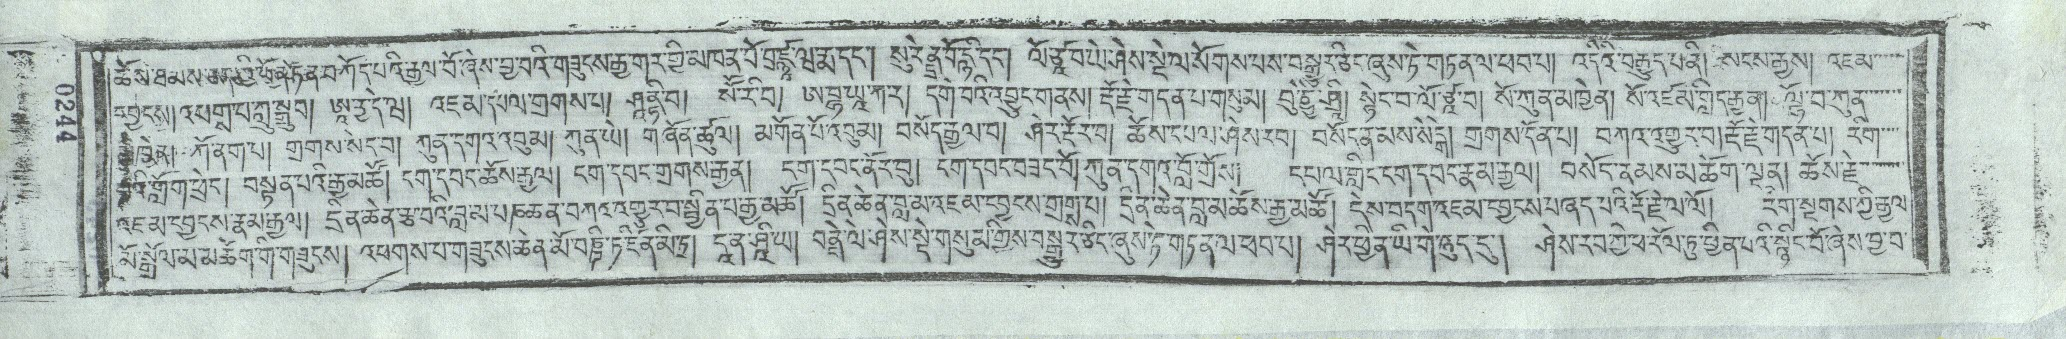ཆོས་ཐམས་ཅད་ཀྱི་ཡོན་ཏན་བཀོད་པའི་རྒྱལ་བོ་ཞེས་བྱ་བའི་གཟུངས་རྒྱ་གར་གྱི་མཁན་པོ་བྲཛྙཱ་ཝ་རྨ་དང་། སུརེནྡྲ་བོ་ཉིད་དང་། ལོ་ཙཱ་བ་ཡེ་ཤེས་སྡེ་ལ་སོགས་པས་བསྒྱུར་ཅིང་ཞུས་ཏེ་གཏན་ལ་ཕབ་པ། འདིའི་བརྒྱུད་པ་ནི། སངས་རྒྱས། འཇམ་
དབྱངས། འཕགས་པ་ཀླུ་སྒྲུབ། ཨཱ་རྱ་དེ་ཝ། འཇམ་དཔལ་གྲགས་པ། ཤཱནྟི་བ། སཽ་རི་བ། ཨབྷ་ཝཱ་ཀ་ར། དགེ་བའི་འབྱུང་གནས། རྡོ་རྗེ་གདན་པ་གསུམ། བུཎྱེ་ཤྲཱི། སྟེང་བ་ལོ་ཙཱ་བ། སོ་ཀུན་མཁྱེན། སོ་འཛམ་གླིང་རྒྱན། ལྷོ་བ་ཀུན་
མཁྱེན། ཀོ་ན་ག་པ། གྲགས་སེད་བ། ཀུན་དགའ་འབུམ། ཀུན་ཡེ། གཞོན་ཚུལ། མགོན་པོ་འབུམ། གསོད་རྒྱལ་བ། ཤེར་རྡོར་བ། ཆོས་དཔལ་ཤེས་རབ། བསོད་ནམས་སེངྒེ། གྲགས་དོན་པ། བཀའ་འགྱུར་བ། རྡོ་རྗེ་གདན་པ། རིག་
པའི་གློག་ཕྲེང་། བསྟན་པའི་རྒྱ་མཚོ། ངག་དབང་ཆོས་རྒྱལ། ངག་དབང་གྲགས་རྒྱན། ངག་དབང་ནོར་བུ། ངག་དབང་བཟང་པོ། ཀུན་དགའ་བློ་གྲོས། དཔལ་གླིང་ངག་དབང་རྣམ་རྒྱལ། བསོད་ནམས་མཆོག་ལྡན། ཆོས་རྗེ་
འཇམ་དབྱངས་རྣམ་རྒྱལ། དྲིན་ཆེན་རྩ་བའི་བླ་མ་པཎ་ཆན་བཀའ་འགྱུར་བ་སྦྱིན་བརྒྱ་མཚོ། དྲིན་ཆེན་བླ་མ་འཇམ་དབྱངས་གྲགས་པ་རན་ཆེན་བླ་མ་ཆོས་རྒྱ་མཚོ། དེས་བདག་འཇམ་དབྱངས་བཞད་པའི་རྡོ་རྗེ་ལ་ལོ། རིག་སྔགས་ཀྱི་རྒྱལ་
མོ་སྒྲོལ་མ་མཆོག་གི་གཟུངས། འཕགས་པ་གཟུངས་ཆེན་མོ་བཎྜི་ཏ་རྫིན་མི་ཏྲ། རཱ་ན་ཏཱི་མ། བནྡེ་ལེ་ཤེས་སྡེ་གསུམ་གྱིས་བསྒྱུར་ཅིང་ཞུས་ཏེ་གཏན་ལ་ཕབ་པ། ཤེར་ཕྱིན་ཡི་གེ་ཉུང་དུ། ཤེས་རབ་ཀྱི་ཕ་རོལ་ཏུ་ཕྱིན་པའི་སྙིང་པོ་ཞེས་བྱ་བ་